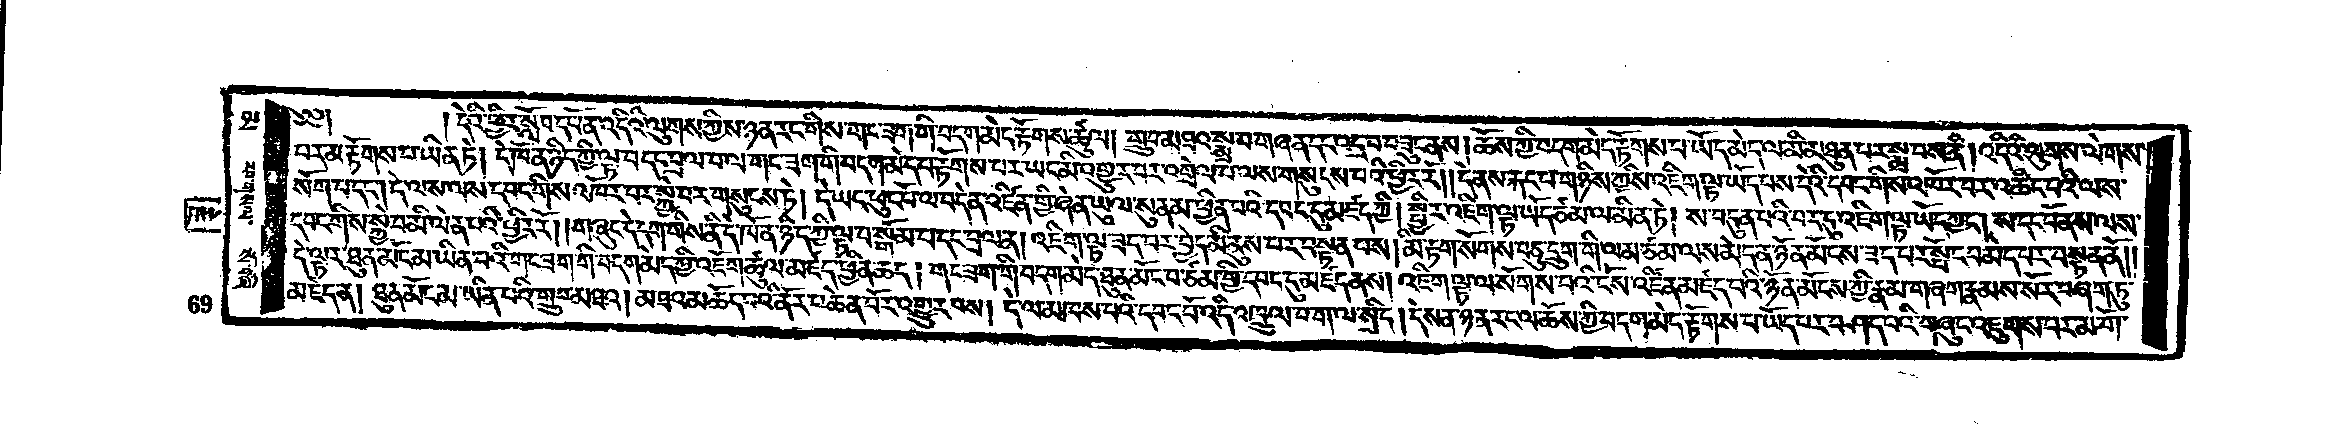༄༅། །དེའི་ཕྱིར་སློབ་དཔོན་འདིའི་ལུགས་ཀྱིས་ཉན་རང་གིས་གང་ཟག་གི་བདག་མེད་རྟོགས་ཚུལ། གྲུབ་མཐའ་སྨྲ་བ་གཞན་དང་འདྲ་བ་བཟུང་ནས། ཆོས་ཀྱི་བདག་མེད་རྟོགས་པ་ཡོད་མེད་ལ་མི་མཐུན་པར་སྨྲ་བས་ནི། འདིའི་ལུགས་ལེགས་
པར་མ་རྟོགས་པ་ཡིན་ཏེ། དེ་ཁོ་ན་ཉིད་ཀྱི་ལྟ་བ་དང་བྲལ་བ་ལ་གང་ཟག་གི་བདག་མེད་པ་རྟོགས་པར་ཡང་མི་འགྱུར་བར་འགྲེལ་པ་ལས་གསུངས་པའི་ཕྱིར་རོ། །དེ་ནས་རྐང་པ་གཉིས་ཀྱིས་འཇིག་ལྟ་ཡོད་པས་དེའི་དབང་གིས་འཁོར་བར་འཆིང་བའི་ལས་
སོག་པ་དང་། དེ་ལས་ལས་དབང་གིས་འཁོར་བར་སྐྱེ་བར་གསུངས་ཏེ། དེ་ཡང་ཕུང་པོ་ལ་བདེན་འཛིན་གྱི་ཞེན་ཡུལ་སུན་མ་ཕྱིན་པའི་དབང་དུ་མཛད་ཀྱི། སྤྱིར་འཇིག་ལྟ་ཡོད་ཙམ་ལ་མིན་ཏེ། ས་བདུན་པའི་བར་དུ་འཇིག་ལྟ་ཡོད་ཀྱང་། ས་དང་པོ་ནས་ལས་
དབང་གིས་སྐྱེ་བ་མི་ལེན་པའི་ཕྱིར་རོ། །གཞུང་དེ་དག་གིས་ནི་དེ་ཁོ་ན་ཉིད་ཀྱི་ལྟ་བ་སྒོམ་པ་དང་བྲལ་ན། འཇིག་ལྟ་ཟད་པར་བྱེད་མི་ནུས་པར་བསྟན་པས། མི་རྟག་སོགས་བཅུ་དྲུག་གི་ལམ་ཙམ་ལས་མེད་ན་ཉོན་མོངས་ཟད་པར་སྤོང་བ་མེད་པར་བསྟན་ནོ། །
དེ་ལྟར་ཐུན་མོང་མ་ཡིན་པའི་གང་ཟག་གི་བདག་མེད་ཀྱི་འཇོག་ཚུལ་མཛད་ཕྱིན་ཆད། གང་ཟག་གི་བདག་མེད་ཐུན་མོང་བ་ཙམ་གྱི་དབང་དུ་མཛད་ནས། འཇིག་ལྟ་ལ་སོགས་པའི་ངོས་འཛིན་མཛད་པའི་ཉོན་མོངས་ཀྱི་རྣམ་གཞག་རྣམས་སོར་བཞག་ཏུ་
མཛད་ན། ཐུན་མོང་མ་ཡིན་པའི་གྲུབ་མཐའ། མཐའ་མ་ཆོད་པའི་ནོར་པ་ཆེན་པོར་འགྱུར་བས། དེ་ལ་མཁས་པའི་དབང་པོ་འདི་འཁྲུལ་བ་ག་ལ་སྲིད། དེས་ན་ཉན་རང་ལ་ཆོས་ཀྱི་བདག་མེད་རྟོགས་པ་ཡོད་པར་བཤད་པའི་གཞུང་འཛུགས་པར་མ་གོ་